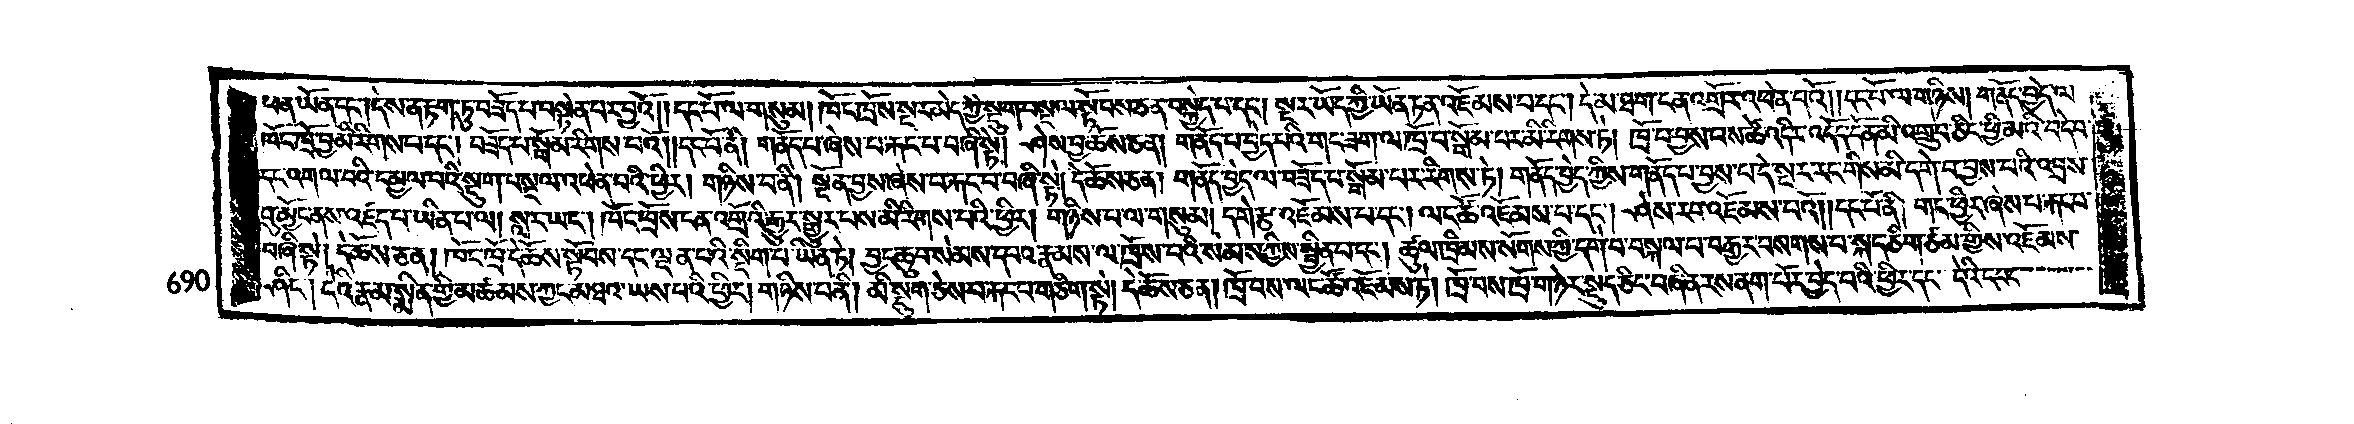ཕན་ཡོན་དང་། དེས་ན་རྟག་ཏུ་བཟོད་པ་བསྟེན་པར་བྱའོ། །དང་པོ་ལ་གསུམ། ཁོང་ཁྲོས་སྔར་མེད་ཀྱི་སྡུག་བསྔལ་སྟོབས་ཅན་བསྐྱེད་པ་དང་། སྔར་ཡོད་ཀྱི་ཡོན་ཏན་འཇོམས་པ་དང་། དེ་མ་ཐག་ངན་འགྲོར་འཕེན་པའོ། །དང་པོ་ལ་གཉིས། གནོད་བྱེད་ལ་
ཁོང་ཁྲོ་བྱ་མི་རིགས་པ་དང་། བཟོད་པ་སྒོམ་རིགས་པའོ། །དང་པོ་ནི། གནོད་པ་ཞེས་པ་རྐང་པ་བཞི་སྟེ། ཤེས་བྱ་ཆོས་ཅན། གནོད་པ་བྱེད་པའི་གང་ཟག་ལ་ཁྲོ་བ་སྒོམ་པར་མི་རིགས་ཏེ། ཁྲོ་བ་བྱས་བས་ཚེ་འདིར་འདོད་དོན་མི་འགྲུབ་ཅིང་ཕྱི་མའི་བདེ་བ་
དང་འགལ་བའི་དམྱལ་བའི་སྡུག་བསྔལ་འཕེན་པའི་ཕྱིར། གཉིས་པ་ནི། སྔོན་བྱས་ཞེས་པ་རྐང་པ་བཞི་སྟེ། དེ་ཆོས་ཅན། གནོད་བྱེད་ལ་བཟོད་པ་སྒོམ་པར་རིགས་ཏེ། གནོད་བྱེད་ཀྱིས་གནོད་པ་བྱས་པ་དེ་སྔར་རང་གིས་མི་དགེ་བ་བྱས་པའི་འབྲས་
བུ་མྱོང་ནས་འཛད་པ་ཡིན་པ་ལ། སླར་ཡང་། ཁོང་ཕྲོས་ངན་འགྲོའི་རྒྱུར་སྒྱུར་པས་མི་རིགས་པའི་ཕྱིར། གཉིས་པ་ལ་གསུམ། དགེ་རྩ་འཇོམས་པ་དང་། ལང་ཚོ་འཇོམས་པ་དང་། ཤེས་རབ་འཇོམས་པའོ། །དང་པོ་ནི། གང་ཕྱིར་ཞེས་པ་རྐང་པ་
བཞི་སྟེ། དེ་ཆོས་ཅན། ཁོང་ཁྲོ་དེ་ཆོས་སྟོབས་དང་ལྡན་པའི་སྡིག་པ་ཡིན་ཏེ། བྱང་ཆུབ་སེམས་དཔའ་རྣམས་ལ་ཁྲོས་པའི་སེམས་ཀྱིས་སྦྱིན་པ་དང་། ཚུལ་ཁྲིམས་སོགས་ཀྱི་དགེ་བ་བསྐལ་བ་བརྒྱར་བསགས་པ་སྐད་ཅིག་ཙམ་གྱིས་འཇོམས་
ཤིང་། དེའི་རྣམ་སྨིན་གྱི་མཚམས་ཀྱང་མཐའ་ཡས་པའི་ཕྱིར། གཉིས་པ་ནི། མི་སྡུག་ཅེས་པ་རྐང་པ་གཅིག་སྟེ། དེ་ཆོས་ཅན། ཁྲོ་བས་ལང་ཚོ་འཇོམས་ཏེ། ཁྲོ་བས་ཁྲོ་གཉེར་སྡུད་ཅིང་བཞིན་རས་ནག་པོར་བྱེད་པའི་ཕྱིར་དང་དེའི་དབང་